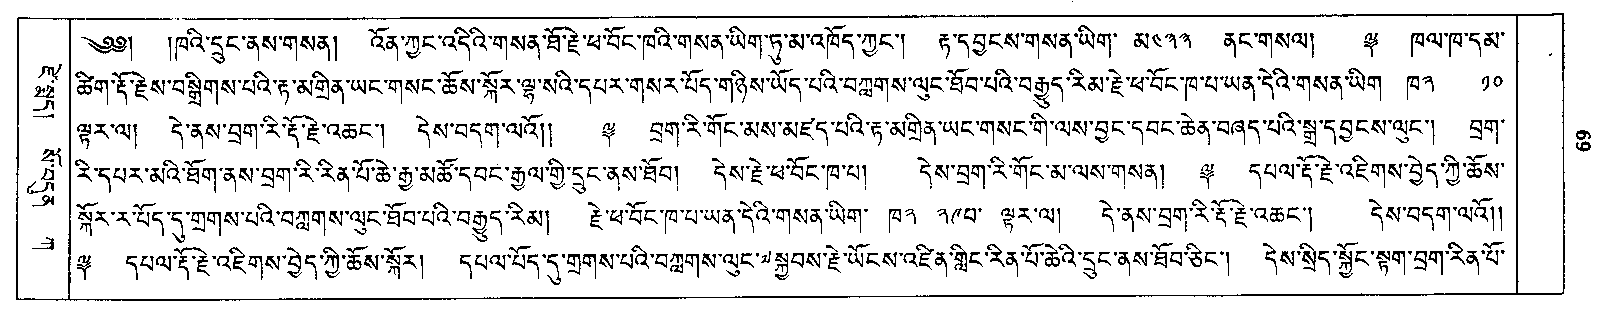༄༅། །ཁའི་དྲུང་ནས་གསན། འོན་ཀྱང་འདིའི་གསན་ཐོ་རྗེ་ཕ་བོང་ཁའི་གསན་ཡིག་ཏུ་མ་འཁོད་ཀྱང་། རྟ་དབྱངས་གསན་ཡིག་མ ༤༣༣་ནང་གསལ། ༈ ཁལ་ཁ་དམ་
ཚིག་རྡོ་རྗེས་བསྒྲིགས་པའི་རྟ་མགྲིན་ཡང་གསང་ཆོས་སྐོར་ལྷ་སའི་དཔར་གསར་པོད་གཉིས་ཡོད་པའི་བཀླགས་ལུང་ཐོབ་པའི་བརྒྱུད་རིམ་རྗེ་ཕ་བོང་ཁ་པ་ཡན་དེའི་གསན་ཡིག་ཁ ༢ ༡༠
ལྟར་ལ། དེ་ནས་བྲག་རི་རྡོ་རྗེ་འཆང་། དེས་བདག་ལའོ།། ༈ བྲག་རི་གོང་མས་མཛད་པའི་རྟ་མགྲིན་ཡང་གསང་གི་ལས་བྱང་དབང་ཆེན་བཞད་པའི་སྒྲ་དབྱངས་ལུང་། བྲག་
རི་དཔར་མའི་ཐོག་ནས་བྲག་རི་རིན་པོ་ཆེ་རྒྱ་མཚོ་དབང་རྒྱལ་གྱི་དྲུང་ནས་ཐོབ། དེས་རྗེ་ཕ་བོང་ཁ་པ། དེས་བྲག་རི་གོང་མ་ལས་གསན། ༈ དཔལ་རྡོ་རྗེ་འཇིགས་བྱེད་ཀྱི་ཆོས་
སྐོར་ར་པོད་དུ་གྲགས་པའི་བཀླགས་ལུང་ཐོབ་པའི་བརྒྱུད་རིམ། རྗེ་ཕ་བོང་ཁ་པ་ཡན་དེའི་གསན་ཡིག་ཁ ༢ ༢༤་བ་ལྟར་ལ། དེ་ནས་བྲག་རི་རྡོ་རྗེ་འཆང་། དེས་བདག་ལའོ།།
༈ དཔལ་རྡོ་རྗེ་འཇིགས་བྱེད་ཀྱི་ཆོས་སྐོར། དཔལ་པོད་དུ་གྲགས་པའི་བཀླགས་ལུང་༧་སྐྱབས་རྗེ་ཡོངས་འཛིན་གླིང་རིན་པོ་ཆེའི་དྲུང་ནས་ཐོབ་ཅིང་། དེས་སྲིད་སྐྱོང་སྟག་བྲག་རིན་པོ་